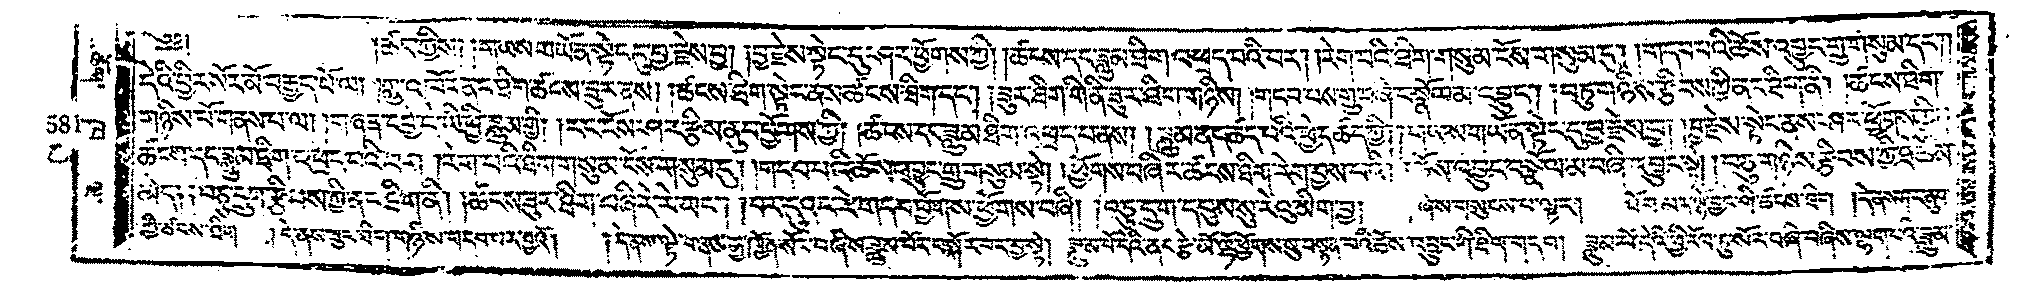༄༅། །ཚང་ཀྱིས། །གཡས་གཡོན་སྟེང་དུ་བྱ་རྗེས་བྱ། །བྱ་རྗེས་སྟེང་དུ་ཤར་ཕྱོགས་ཀྱི། །ཚངས་དང་ཟླུམ་ཐིག་འཕྲད་པའི་བར། །རེག་པའི་ཐིག་གསུམ་ངོས་གསུམ་དུ། །གདབ་པའི་ཆོས་འབྱུང་གྲུ་གསུམ་དང།།
དེའི་ཕྱིར་སོར་མོ་བརྒྱད་པོ་ལ། །ཀླུ་འཁོར་ནང་ཐིག་ཚངས་ཟུར་ནས། །ཚངས་ཐིག་སྟེང་ནས་ཚངས་ཐིག་དང་། །ཟུར་ཐིག་གི་ནི་ཟུ་ར་ཐིག་གཉིས། །གདབ་པས་གྲུ་བཞི་བསྣོལ་མ་འབྱུང་། །བཏུ་གཉིས་རྩིབས་ཀྱི་ནང་ཐིག་ནི། །ཚངས་ཐིག་
གཉིས་པོ་གནས་པ་ལ། །གཞན་དབྱེ་དེ་ཡི་ཕྱི་ཟླུམ་གྱི། །རང་ངོས་ཤར་རྩིས་ནུབ་ཕྱོགས་ཀྱི། །ཚངས་དང་ཟླུམ་ཐིག་འཕྲད་པ་ནས། །ཟླུམ་ནང་ཚད་པའི་ཕྱེད་ཚད་ཀྱི། །གཡས་གཡོན་སྟེང་དུ་བྱ་རྗེས་བྱ། །བྱ་རྗེས་སྟེང་ནས་ཤར་ཕྱོགས་ཀྱི།།
ཚངས་དང་ཟླུམ་ཐིག་འཕྲད་པའི་བག །རེག་པའི་ཐིག་གསུམ་ངོས་གསུམ་དུ། །གདབ་པའི་ཆོས་འབྱུང་གྲུ་གསུམ་སྟེ། །ཕྱོགས་བཞིར་ཚང་ཐིག་རེག་བྱས་པའི། །ཆོས་འབྱུང་བསྣོལ་མ་བཞི་འབྱུང་སྟེ། །བཅུ་གཉིས་རྩིབས་ཀྱི་ཐེ་ཚོམ་
མེད༑ ༑བཅུ་དྲུག་རྟིབས་ཀྱི་ནང་ཐིག་ནི། །ཚང་ཟུར་ཐིག་བཞི་རེ་རེ་རེ་ཡང་། །བར་དུའང་རེ་གདབ་ཕྱོགས་ཕྱོགས་བཞི། །བཅུ་དྲུག་དབུས་སུ་རེའུ་མིག་བྱ། །ཞེས་གསུངས་པ་ལྟར། ཐོག་མར་ལྷོ་བྱང་གི་ཚངས་ཐིག །དེ་ནས་ཤར་ནུབ་
ཀྱི་ཚངས་ཐིག །དེ་ནས་ཟུར་ཐིག་གཉིས་གདབ་པར་བྱའོ། །དེ་ནས་ལྟེ་བ་ནས་རྒྱ་ཁྱོན་སོར་བཞིས་ཟླུམ་བོར་བསྐོར་བར་བྱ་སྟེ། ཟླུམ་པོ་དེའི་ནང་རྩེ་མོ་ལྷོ་ཕྱོགས་སུ་བསྟན་པའི་ཆོས་འབྱུང་གི་ཐིག་གདབ། ཟླུམ་པོ་དེའི་ཕྱི་རོལ་ཏུ་སོར་བཞི་བཞིས་ལྷག་པའི་ཟླུམ་